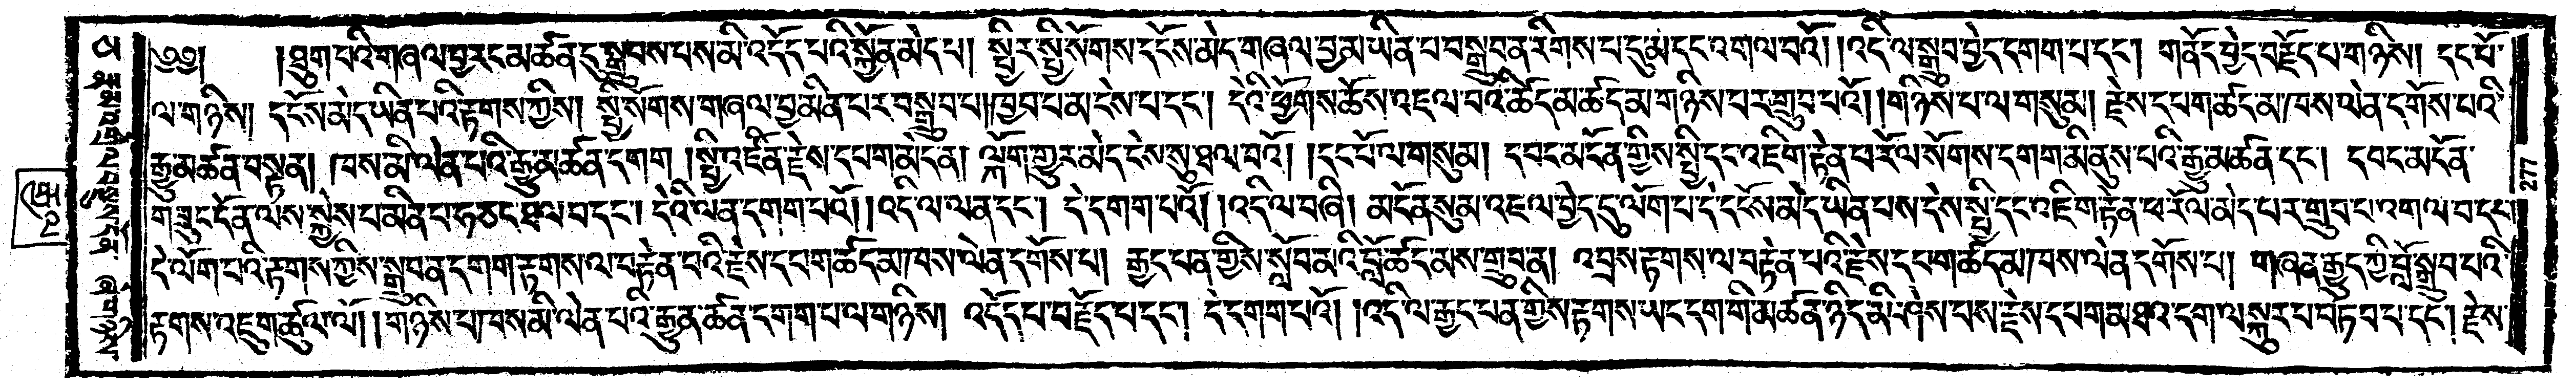༄༅། །ཐུག་པའི་གཞལ་བྱ་རང་མཚན་དུ་སྒྲུབས་པས་མི་འདོད་པའི་སྐྱོན་མེད་པ། སྤྱིར་སྤྱི་སོགས་དངོས་མེད་གཞལ་བྱ་མ་ཡིན་པ་བསྒྲུབ་ན་རིགས་པ་དུ་མ་དང་འགལ་བའོ། །འདི་ལ་སྒྲུབ་བྱེད་དགག་པ་དང་། གནོད་བྱེད་བརྗོད་པ་གཉིས། དང་པོ་
ལ་གཉིས། དངོས་མེད་ཡིན་པའི་རྟགས་ཀྱིས། སྤྱི་སོགས་གཞལ་བྱ་མིན་པར་བསྒྲུབ་པ། ཁྱབ་པ་མ་ངེས་པ་དང་། དེའི་ཕྱོགས་ཆོས་འཇལ་བའི་ཚད་མ་ཚད་མ་གཉིས་པར་གྲུབ་པའོ། །གཉིས་པ་ལ་གསུམ། རྗེས་དཔག་ཚད་མ་ཁས་ལེན་དགོས་པའི་
རྒྱུ་མཚན་བསྟན། ཁས་མི་ལེན་པའི་རྒྱུ་མཚན་དགག །སྤྱི་འཛིན་རྗེས་དཔག་མེད་ན། ལྐོག་གྱུར་མེད་ངེས་སུ་ཐལ་བའོ། །དང་པོ་ལ་གསུམ། དབང་མངོན་གྱིས་སྤྱི་དང་འཇིག་རྟེན་ཕ་རོལ་སོགས་དགག་མི་ནུས་པའི་རྒྱུ་མཚན་དང་། དབང་མངོན་
གཟུང་དོན་ལས་སྐྱེས་པ་མིན་པ་ཧ་ཅང་ཐལ་བ་དང་། དེའི་ལན་དགག་པའོ། །འདི་ལ་ལན་དང་། དེ་དགག་པའོ། །འདི་ལ་བཞི། མངོན་སུམ་འཇལ་བྱེད་དུ་ལོག་པ་དེ་དངོས་མེད་ཡིན་པས་དེས་སྤྱི་དང་འཇིག་རྟེན་ཕ་རོལ་མེད་པར་གྲུབ་པ་འགལ་བ་དང་།
དེ་ལོག་པའི་རྟགས་ཀྱིས་སྒྲུབ་ན་དགག་རྟགས་ལ་བརྟེན་པའི་རྗེས་དཔག་ཚད་མ་ཁས་ལེན་དགོས་པ། རྒྱང་པན་གྱིས་སློབ་མའི་བློ་ཚད་མས་གྲུབ་ན། འབྲས་རྟགས་ལ་བརྟེན་པའི་རྗེས་དཔག་ཚད་མ་ཁས་ལེན་དགོས་པ། གཞན་རྒྱུད་ཀྱི་བློ་སྒྲུབ་པའི་
རྟགས་འཇུག་ཚུལ་ལོ། །གཉིས་པ་ཁས་མི་ལེན་པའི་རྒྱུན་ཚན་དགག་པ་ལ་གཉིས། འདོད་པ་བརྗོད་པ་དང་། དེ་དགག་པའོ། །འདི་ལ་རྒྱང་པན་གྱིས་རྟགས་ཡང་དག་གི་མཚན་ཉིད་མི་ཤེས་པས་རྗེས་དཔག་མཐའ་དག་ལ་སྐུར་བ་བཏབ་པ་དང་། རྗེས་